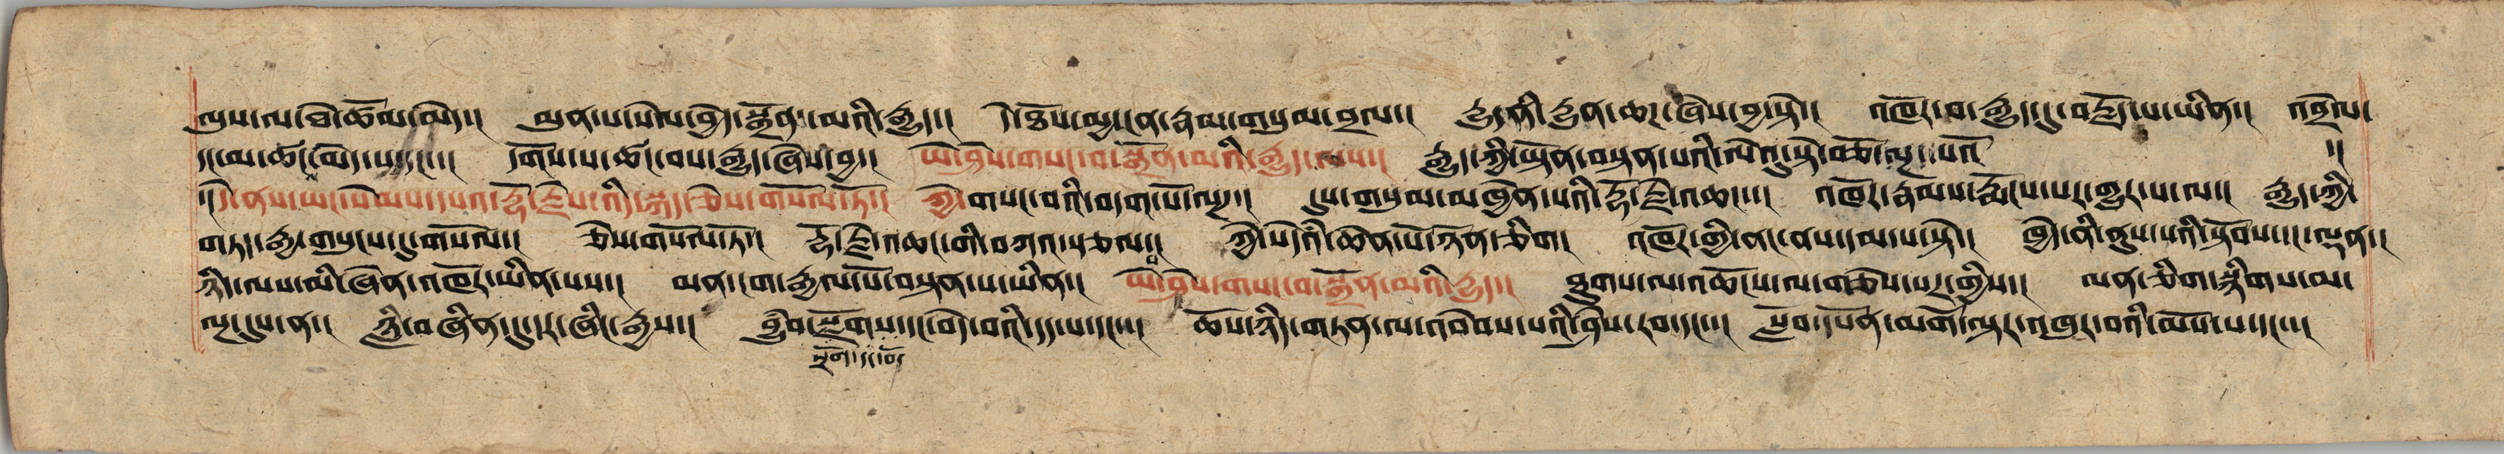ལུས་ལ་ཐེ་ཚོམ་མེད་། མུན་པ་སེལ་བྱེད་སྒྲོན་མའི་རྒྱུད་། དེ་ཐོས་མྱ་ངན་རྣམ་གསུམ་བྲལ་། དྱུད་ནི་དྱུན་ཆཌ་ཞེས་བྱ་སྟེ་། འཁོར་བ་རྒྱུད་དུ་བརྗོད་པ་ཡིན་། འབྲེལ་
དང་མ་ཚངས་མེད་པ་དང་། དགོས་པ་ཚང་བས་རྒྱུད་ཞེས་བྱ་། ཡེ་ཤེས་གསང་བ་སྒྲོན་མའི་རྒྱུད་ལས་། རྒྱུད་ཀྱི་ཡྟོན་བསྟན་པའི་ལེའུ་སྟེ་བཅོ་ལྔ་པའོ་།
་།དེ་ནས་ཡང་སེམས་དཔའ་རྡོ་རྗེས་འདི་སྐད་ཅེས་གསོལ་ཏོ་། ཀྱེ་གསང་བའི་བདག་པོ་ལཌ་། དུས་གསུམ་མཁྱེན་པའི་རྡོ་རྗེ་འཆང་་། འཁོར་རྣམས་རྨོངས་པར་གྱུར་པ་ལ་། རྒྱུད་ཀྱི་
གཏད་རྒྱ་གསུངས་དུ་གསོལ་། ཅེས་གསོལ་ཏོ་། རྡོ་རྗེ་འཆང་གི་བཀའ་སྩལ་པ་། ཀྱེ་སེདཾའ་ཆེན་པོ་ཉོན་ཅིག་། འཁོར་གྱི་ནང་ནས་དམ་པ་སྟེ་། ཁྱེད་ནི་ནུས་པའི་སྟོབས་དང་ལྡན་།
ཉིད་ལས་མི་ཞེན་འཁོར་ཡིན་པས་། མན་ངག་རྒྱལ་པོ་བསྟན་པ་ཡིན་། ཡེ་ཤེས་གསང་བ་སྒྲོན་མའི་དྱུད་། ཐུགས་ལ་འཆོངས་ལ་གཅེས་པར་གྱིས་། ལན་ཅིག་སྙིགས་མ་
ལྔ་དུས་ན་། ཉླི་བཞིན་དུ་དར་ཞིང་རྒྱས་། བྱུཾབ་སྫོགས་དང་བདེ་བའི་དད་པ་དང་་། ཆོས་ཉིད་གཏན་ལ་འབེབས་པའི་ཤེས་རབ་དང་་། སློབ་དཔོན་མགོ་ལྟར་འཁུར་བའི་མོས་པ་དང་་།